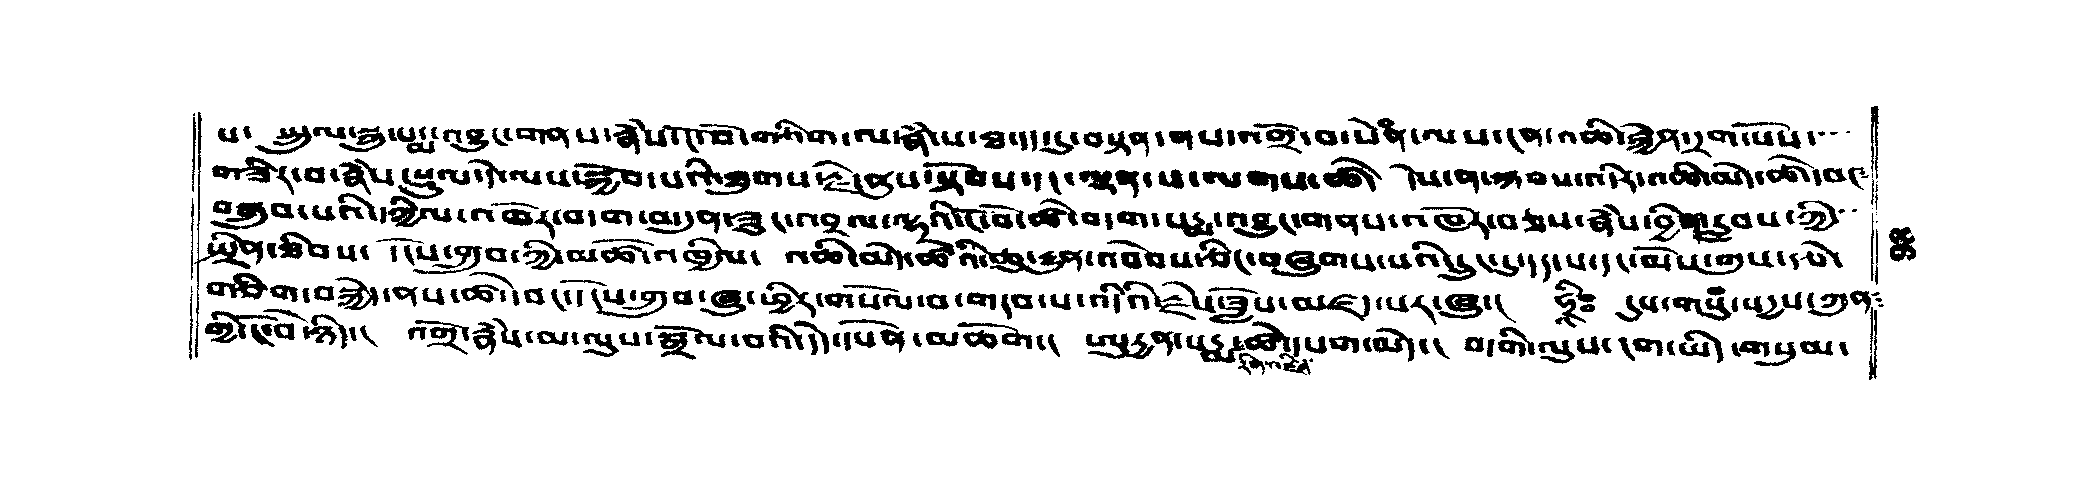པ། སྤྲུལ་སྐུ་པདྨ་འབྱུང་གནས་རྣམས་ངོ་བོ་གཅིག་ལ་རྣམ་པ་ཐ་དད་དུ་བསྟན་ནས་འགྲོ་བ་སེམས་ཅན་ལས་ངན་འཆི་རྐྱེན་དྲག་པོས་
གཟིར་བ་རྣམས་སྡུག་བསྔལ་དེ་ལས་སྐྱོབ་པའི་ཐུགས་རྗེ་ནུས་སྟོབས་དང་ལྡན་པ་ལགས་ཚེ། དེས་ན་སྐབས་འདིར་འཆི་མེད་ཚེ་དབང་
བསྒྲུབ་པའི་དཀྱིལ་འཁོར་བདག་མདུན་ཟུང་འབྲེལ་ལྷའི་ངོ་བོ་ཚེ་བདག་པདྨ་འབྱུང་གནས་འཁོར་བཅས་རྣམས་བྱིན་རླབས་ཀྱི་
སྤྲིན་ཐིབས། དངོས་གྲུབ་ཀྱི་མཚོ་འཁྱིལ། འཆི་མེད་ཚེའི་ཆུ་རྒྱུན་འབེབས་ཅིང་བཞུགས་པའི་དྲུང་དུ་དད་པ་དང་ལམོས་གུས་རྩེ་
གཅིག་བསྐྱེད་ནས་ཚེ་དབང་དངོས་གྲུབ་ཞུ་ཕྱིར་གསོལ་བ་གདབ་པ་འདིའི་ལརྗེས་ཟློས་མཛད་པར་ཞུ།ཧྲཱིཿ དུས་གསུམ་སངས་རྒྱས་ཀུན་
གྱི་ངོ་བོ་ཉིད། །འགྲོ་རྣམས་མ་ལུས་སྒྲོལ་བའི་དེད་དཔོན་མཆོག་ཨུ་རྒྱན་པདྨ་རིག་འཛིན་ཚེ་དཔག་མེད། །བདག་གི་ལུས་ངག་ཡིད་གསུམ་